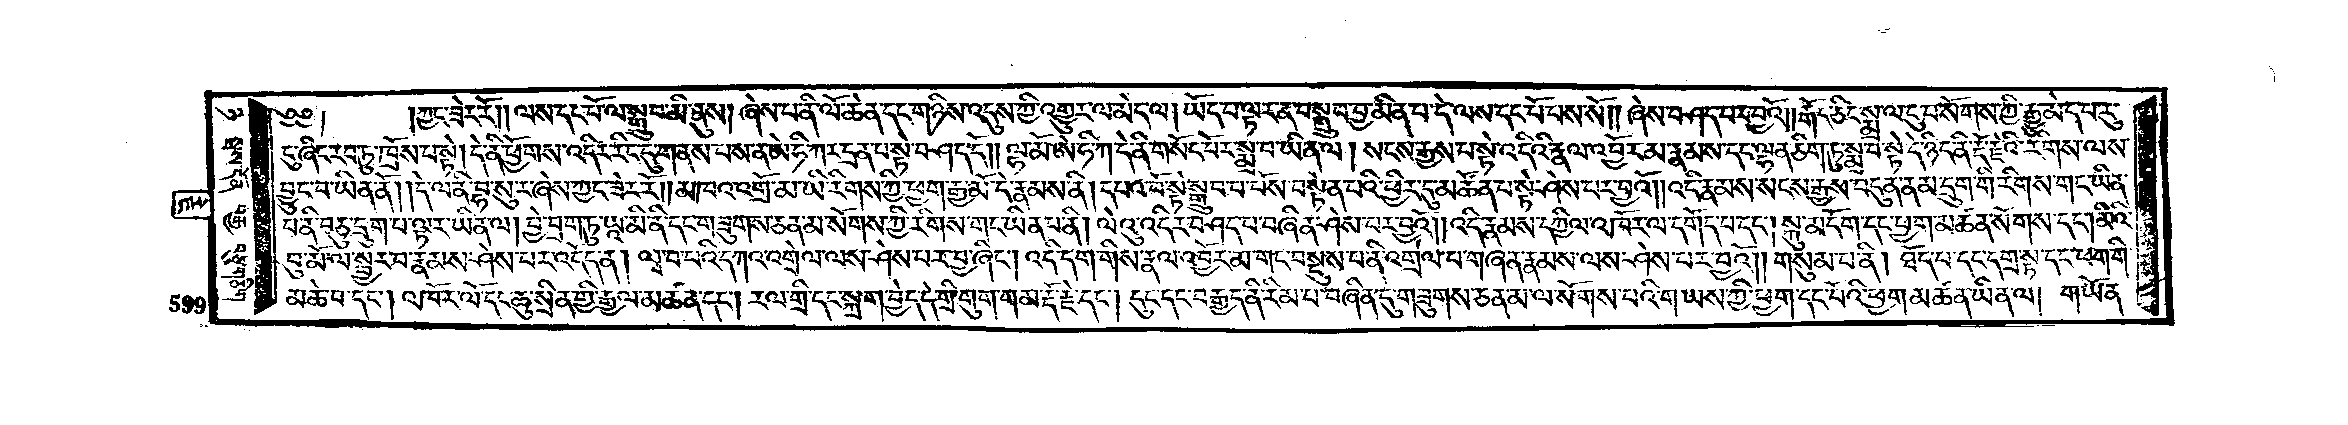༄༅། །ཀྱང་ཟེར་རོ། །ལས་དང་པོ་ལ་སྒྲུབ་མི་ནུས། ཞེས་པ་ནི་ལོ་ཆེན་དང་གཉིས་འདུས་ཀྱི་འགྱུར་ལ་མེད་ལ། ཡོད་པ་ལྟར་ན་བསྒྲུབ་བྱ་མིན་པ་དེ་ལས་དང་པོ་པས་སོ། །ཞེས་བཤད་པར་བྱའོ། །རྒོད་ཅིང་སྨྲ་ལ་དུ་བ་སོགས་ཀྱི་རྒྱུ་མེད་པ་རུ་
དུ་ཞིང་རབ་ཏུ་ཁྲོས་པ་སྟེ། དེ་ནི་ཕྱོགས་འདིར་རིང་དུ་གནས་པས་ན་ཨེ་ཧི་ཀར་དྲན་པ་སྟེ་བཤད་དོ། །ལྷ་མོ་ཨེ་ཧི་ཀ་དེ་ནི་གསོང་པོར་སྨྲ་བ་ཡིན་ལ། སངས་རྒྱས་པ་སྟེ་འདིའི་རྣལ་འབྱོར་མ་རྣམས་དང་ལྷན་ཅིག་ཏུ་སྨྲ་བ་སྟེ་དེ་ཉིད་ནི་རྡོ་རྗེའི་རིགས་ལས་
བྱུང་བ་ཡིན་ནོ། །དེ་ལ་ནི་བྷ་སུ་ར་ཞེས་ཀྱང་ཟེར་རོ། །མཁའ་འགྲོ་མ་ཡི་རིགས་ཀྱི་ཕྱག་རྒྱ་མོ་དེ་རྣམས་ནི། དཔའ་བོ་སྟེ་སྒྲུབ་པ་པོས་བསྟེན་པའི་ཕྱིར་དུ་མཚོན་པ་སྟེ་ཤེས་པར་བྱའོ། །འདི་རྣམས་སངས་རྒྱས་བདུན་ནམ་དྲུག་གི་རིགས་གང་ཡིན་
པ་ནི་བཅུ་དྲུག་པ་ལྟར་ཡིན་ལ། བྱེ་བྲག་ཏུ་ཡཱ་མི་ནི་དང་གཟུགས་ཅན་མ་སོགས་ཀྱི་རིགས་གང་ཡིན་པ་ནི། ལེའུ་འདིར་བཤད་པ་བཞིན་ཤེས་པར་བྱའོ། །འདི་རྣམས་དཀྱིལ་འཁོར་ལ་དགོད་པ་དང་། སྐུ་མདོག་དང་ཕྱག་མཚན་སོགས་དང་། མིའི་
བུ་མོ་ལ་སྦྱར་བ་རྣམས་ཤེས་པར་འདོད་ན། ལྭ་བ་པའི་དཀའ་འགྲེལ་ལས་ཤེས་པར་བྱ་ཞིང་། འདི་དག་གིས་རྣལ་འབྱོར་མ་གང་བསྡུས་པ་ནི་འགྲེལ་པ་གཞན་རྣམས་ལས་ཤེས་པར་བྱའོ། །གསུམ་པ་ནི། ཐོད་པ་དང་དགྲ་སྟ་དང་ཕག་གི་
མཆེ་བ་དང་། འཁོར་ལོ་དང་ཆུ་སྲིན་གྱི་རྒྱལ་མཚན་དང་། རལ་གྲི་དང་སྐྲག་བྱེད་དེ་གྲི་གུག་གམ་རྡོ་རྗེ་དང་། དུང་དང་བརྒྱད་ནི་རིམ་པ་བཞིན་དུ་གཟུགས་ཅན་མ་ལ་སོགས་པའི་གཡས་ཀྱི་ཕྱག་དང་པོའི་ཕྱག་མཚན་ཡིན་ལ། གཡོན་